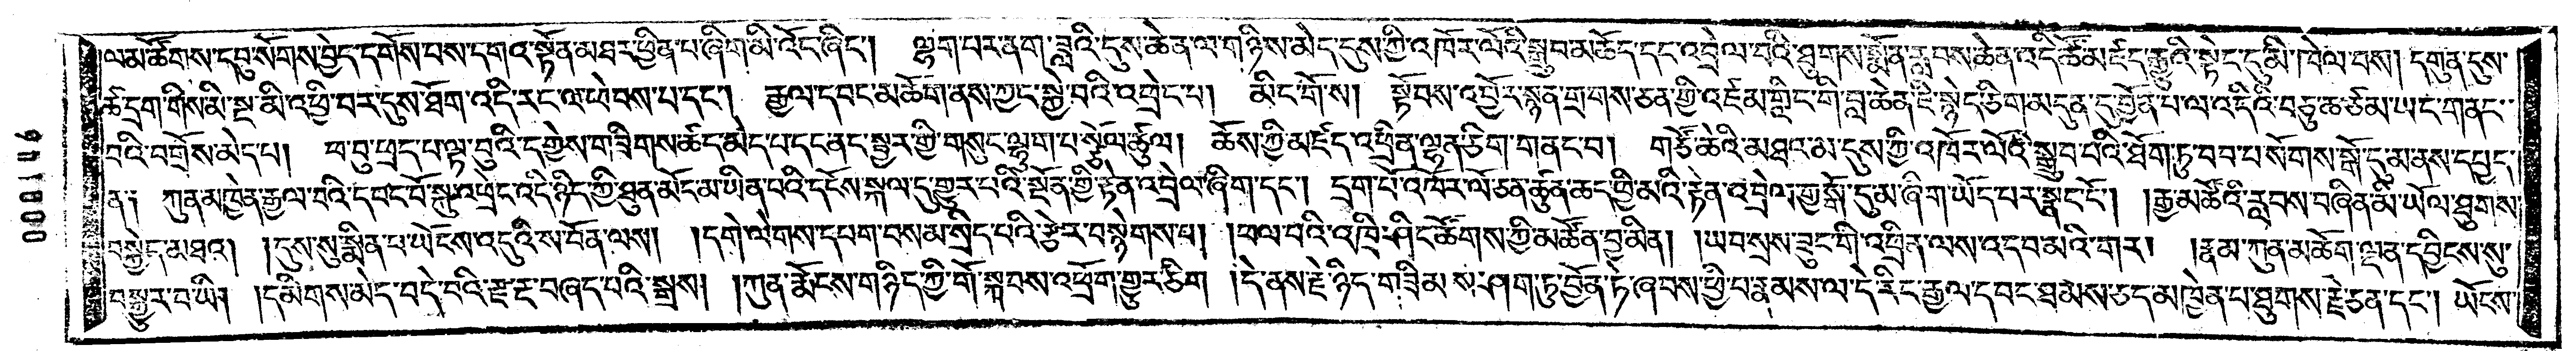ལམ་ཚོགས་དབུ་སོགས་བྱེད་དགོས་པས་དགའ་སྟོན་མཐར་ཕྱིན་པ་ཞིག་མི་འོང་ཞིང་། ལྷག་པར་ནག་ཟླའི་དུས་ཆེན་ལ་གཉིས་མེད་དུས་ཀྱི་འཁོར་ལོའི་སྒྲུབ་མཆོད་དང་འབྲེལ་བའི་ཐུགས་སྨོན་རླབས་ཆེན་འདི་ཚོ་མཛད་རྒྱུའི་སྟེང་དུ་མི་ཁེལ་བས། དགུན་དུས་
ཚ་དྲག་གིས་མི་སྔ་མི་འཕྱི་བར་དུས་ཐོག་འདི་རང་ལ་ཕེབས་པ་དང་། རྒྱལ་དབང་མཆོག་ནས་ཀྱང་སྐྱེ་བའི་འཕྲེང་བ། མིང་གོ་ས། སྟོབས་འབྱོར་སྙན་གྲགས་ཅན་གྱི་འཛམ་གླིང་གི་བླ་ཆེན་ཇི་སྙེད་ཅིག་མདུན་དུ་བྱོན་པ་ལ་འདིའི་བཅུ་ཆ་ཙམ་ཡང་གནང་
བའི་བགྲོས་མེད་པ། བ་བུ་ཕྲད་པ་ལྟ་བུའི་དགྱེས་གཟིགས་ཚད་མེད་པ་དང་ནང་སྦྱར་གྱི་གསུང་ལྷག་པ་སྩོལ་ཚུལ། ཆོས་ཀྱི་མཛད་འཕྲིན་ལྷན་ཅིག་གནང་བ། གཙོ་ཆེའི་མཐའ་མ་དུས་ཀྱི་འཁོར་ལོའི་སྒྲུབ་པའི་ཐོག་ཏུ་བབ་པ་སོགས་སྒོ་དུ་མ་ནས་དཔྱད་
ན༑ ཀུན་མཁྱེན་རྒྱལ་བའི་དབང་པོ་སྐུ་འཕྲེང་འདི་ཉིད་ཀྱི་ཐུན་མོང་མ་ཡིན་པའི་དངོས་སྐལ་དུ་གྱུར་པའི་སྔོན་གྱི་རྟེན་འབྲེལ་ཞིག་དང་། དྲག་པོ་འཁོར་ལོ་ཅན་ཚུན་ཆད་ཕྱི་མའི་རྟེན་འབྲེལ་བྱ་སྒོ་དུ་མ་ཞིག་ཡོད་པར་སྣང་ངོ། །རྒྱ་མཚོའི་རླབས་བཞིན་མི་ཡོལ་ཐུགས་
བསྐྱེད་མཐའ། །དུས་སུ་སྨིན་པ་ཡོངས་འདུའི་ས་བོན་ལས། །དགེ་ལེགས་དཔག་བསམ་སྲིད་པའི་རྩེར་བསྙེགས་པ། །ཕལ་པའི་འཁྲི་ཤིང་ཚོགས་ཀྱི་མཚོན་བྱ་མིན། །ཡབ་སྲས་ཟུང་གི་འཕྲིན་ལས་འདབ་མའི་གར། །རྣམ་ཀུན་མཆོག་ལྡན་དབྱིངས་སུ་
བསྒྱུར་བ་ཡི། །དམིགས་མེད་བདེ་པའི་རྫ་རྔ་བཞད་བའི་སྒྲས། །ཀུན་རྨོངས་གཉིད་ཀྱི་གོ་སྐབས་འཕྲོག་གྱུར་ཅིག །དེ་ནས་རྗེ་ཉིད་གཟིམས་ཤག་ཏུ་བྱོན་ཏེ་ཞབས་ཕྱི་པ་རྣམས་ལ་དེ་རིང་རྒྱལ་དབང་ཐམས་ཅད་མཁྱེན་པ་ཐུགས་རྗེ་ཅན་དང་། ཡོངས་